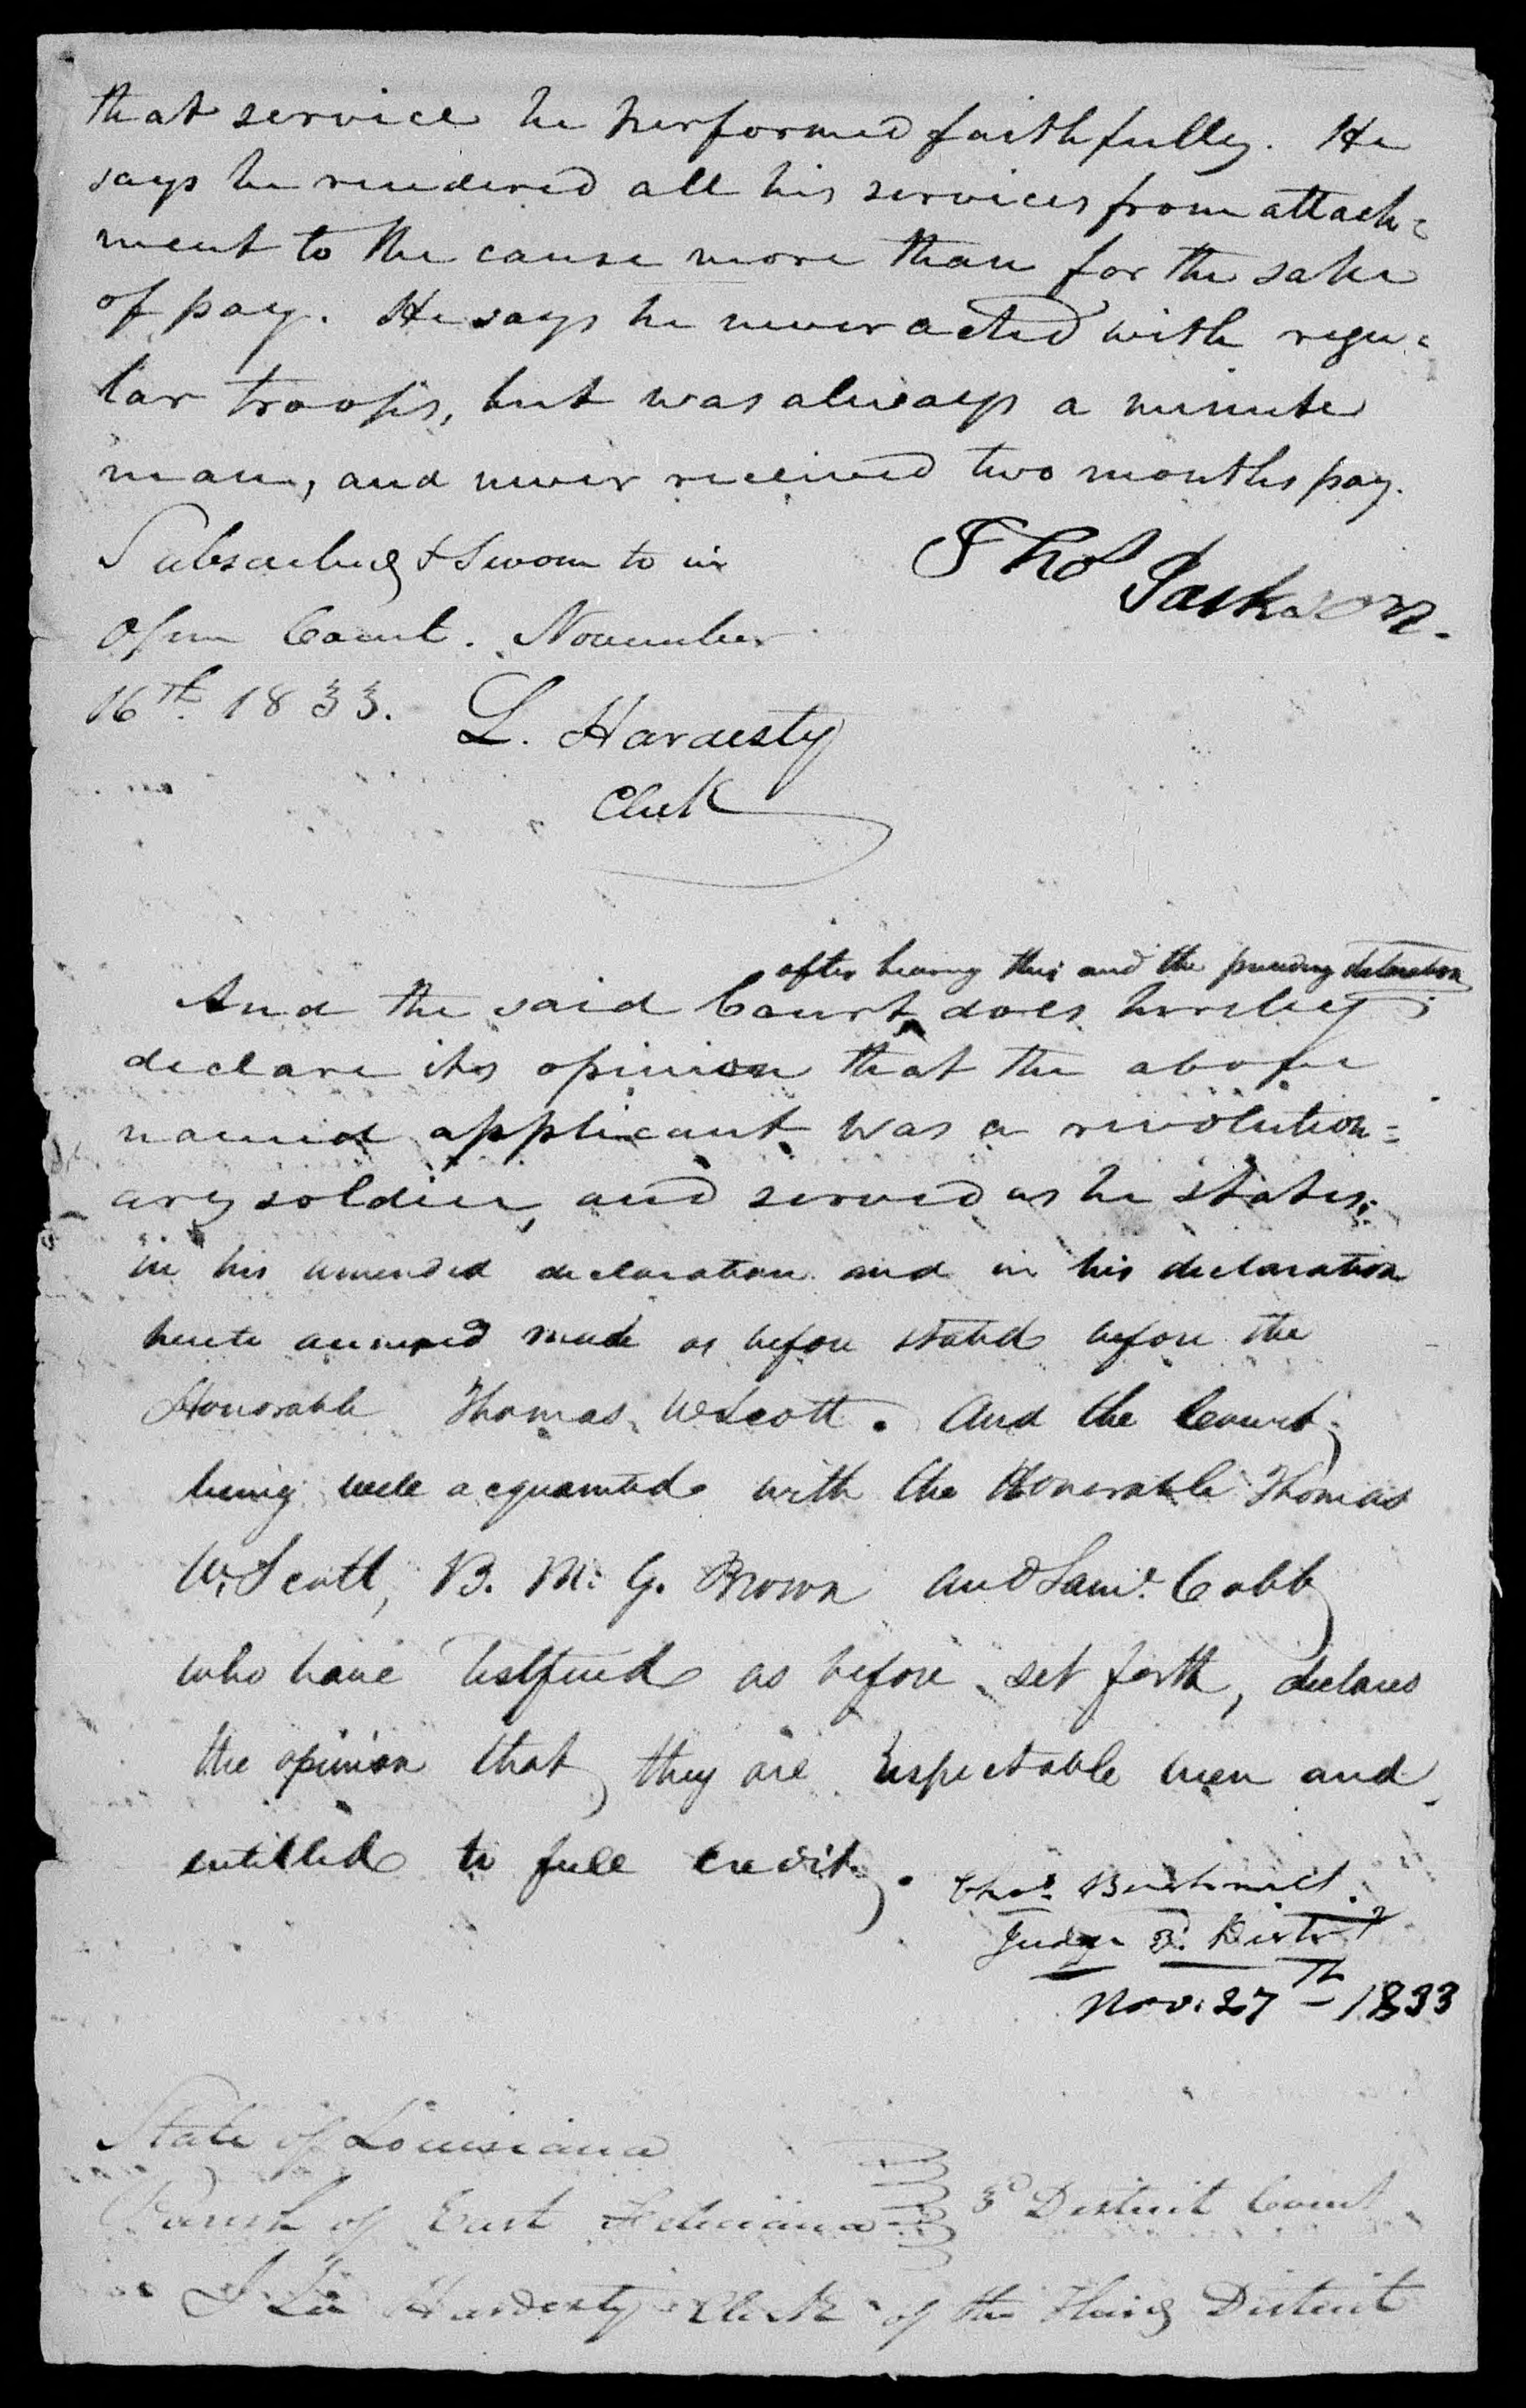that service he performed faithfully. He
says he rendered all his services from attachment 
to the cause more than for the sake
of pay. He says he never acted with regular 
troops, but was always a minute
man, and never received two months pay.
Thos. Jackson
Subscribed & Sworn to in
of Court. November
16th 1833.

L. Hardesty
Clerk


And the said Court ^after hearing this and the preceding declaration^ does hereby
declare this opinion that the above
named applicant was a revolutionary
soldier and served as he states,
in his amended declaration and in his declaration
hereto annexed made as before stated before the
Honorable Thomas W. Scott. And the Court
being well acquainted with the Honorable Thomas
W. Scott B. M. G. Brown and Saml. Cobb
who have testified as before set forth, declares
the opinion that they are respectable men and
entitled to full credit
Chas Bushnell
Judge 3d District
Nov. 27 1833

State of Louisiana )
Parish of East Feliciana)
District Court
.
J. L. Hardesty Clerk of the Third District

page: 9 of 54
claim: survivor's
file: S. 31166, for Thomas Jackson, South Carolina